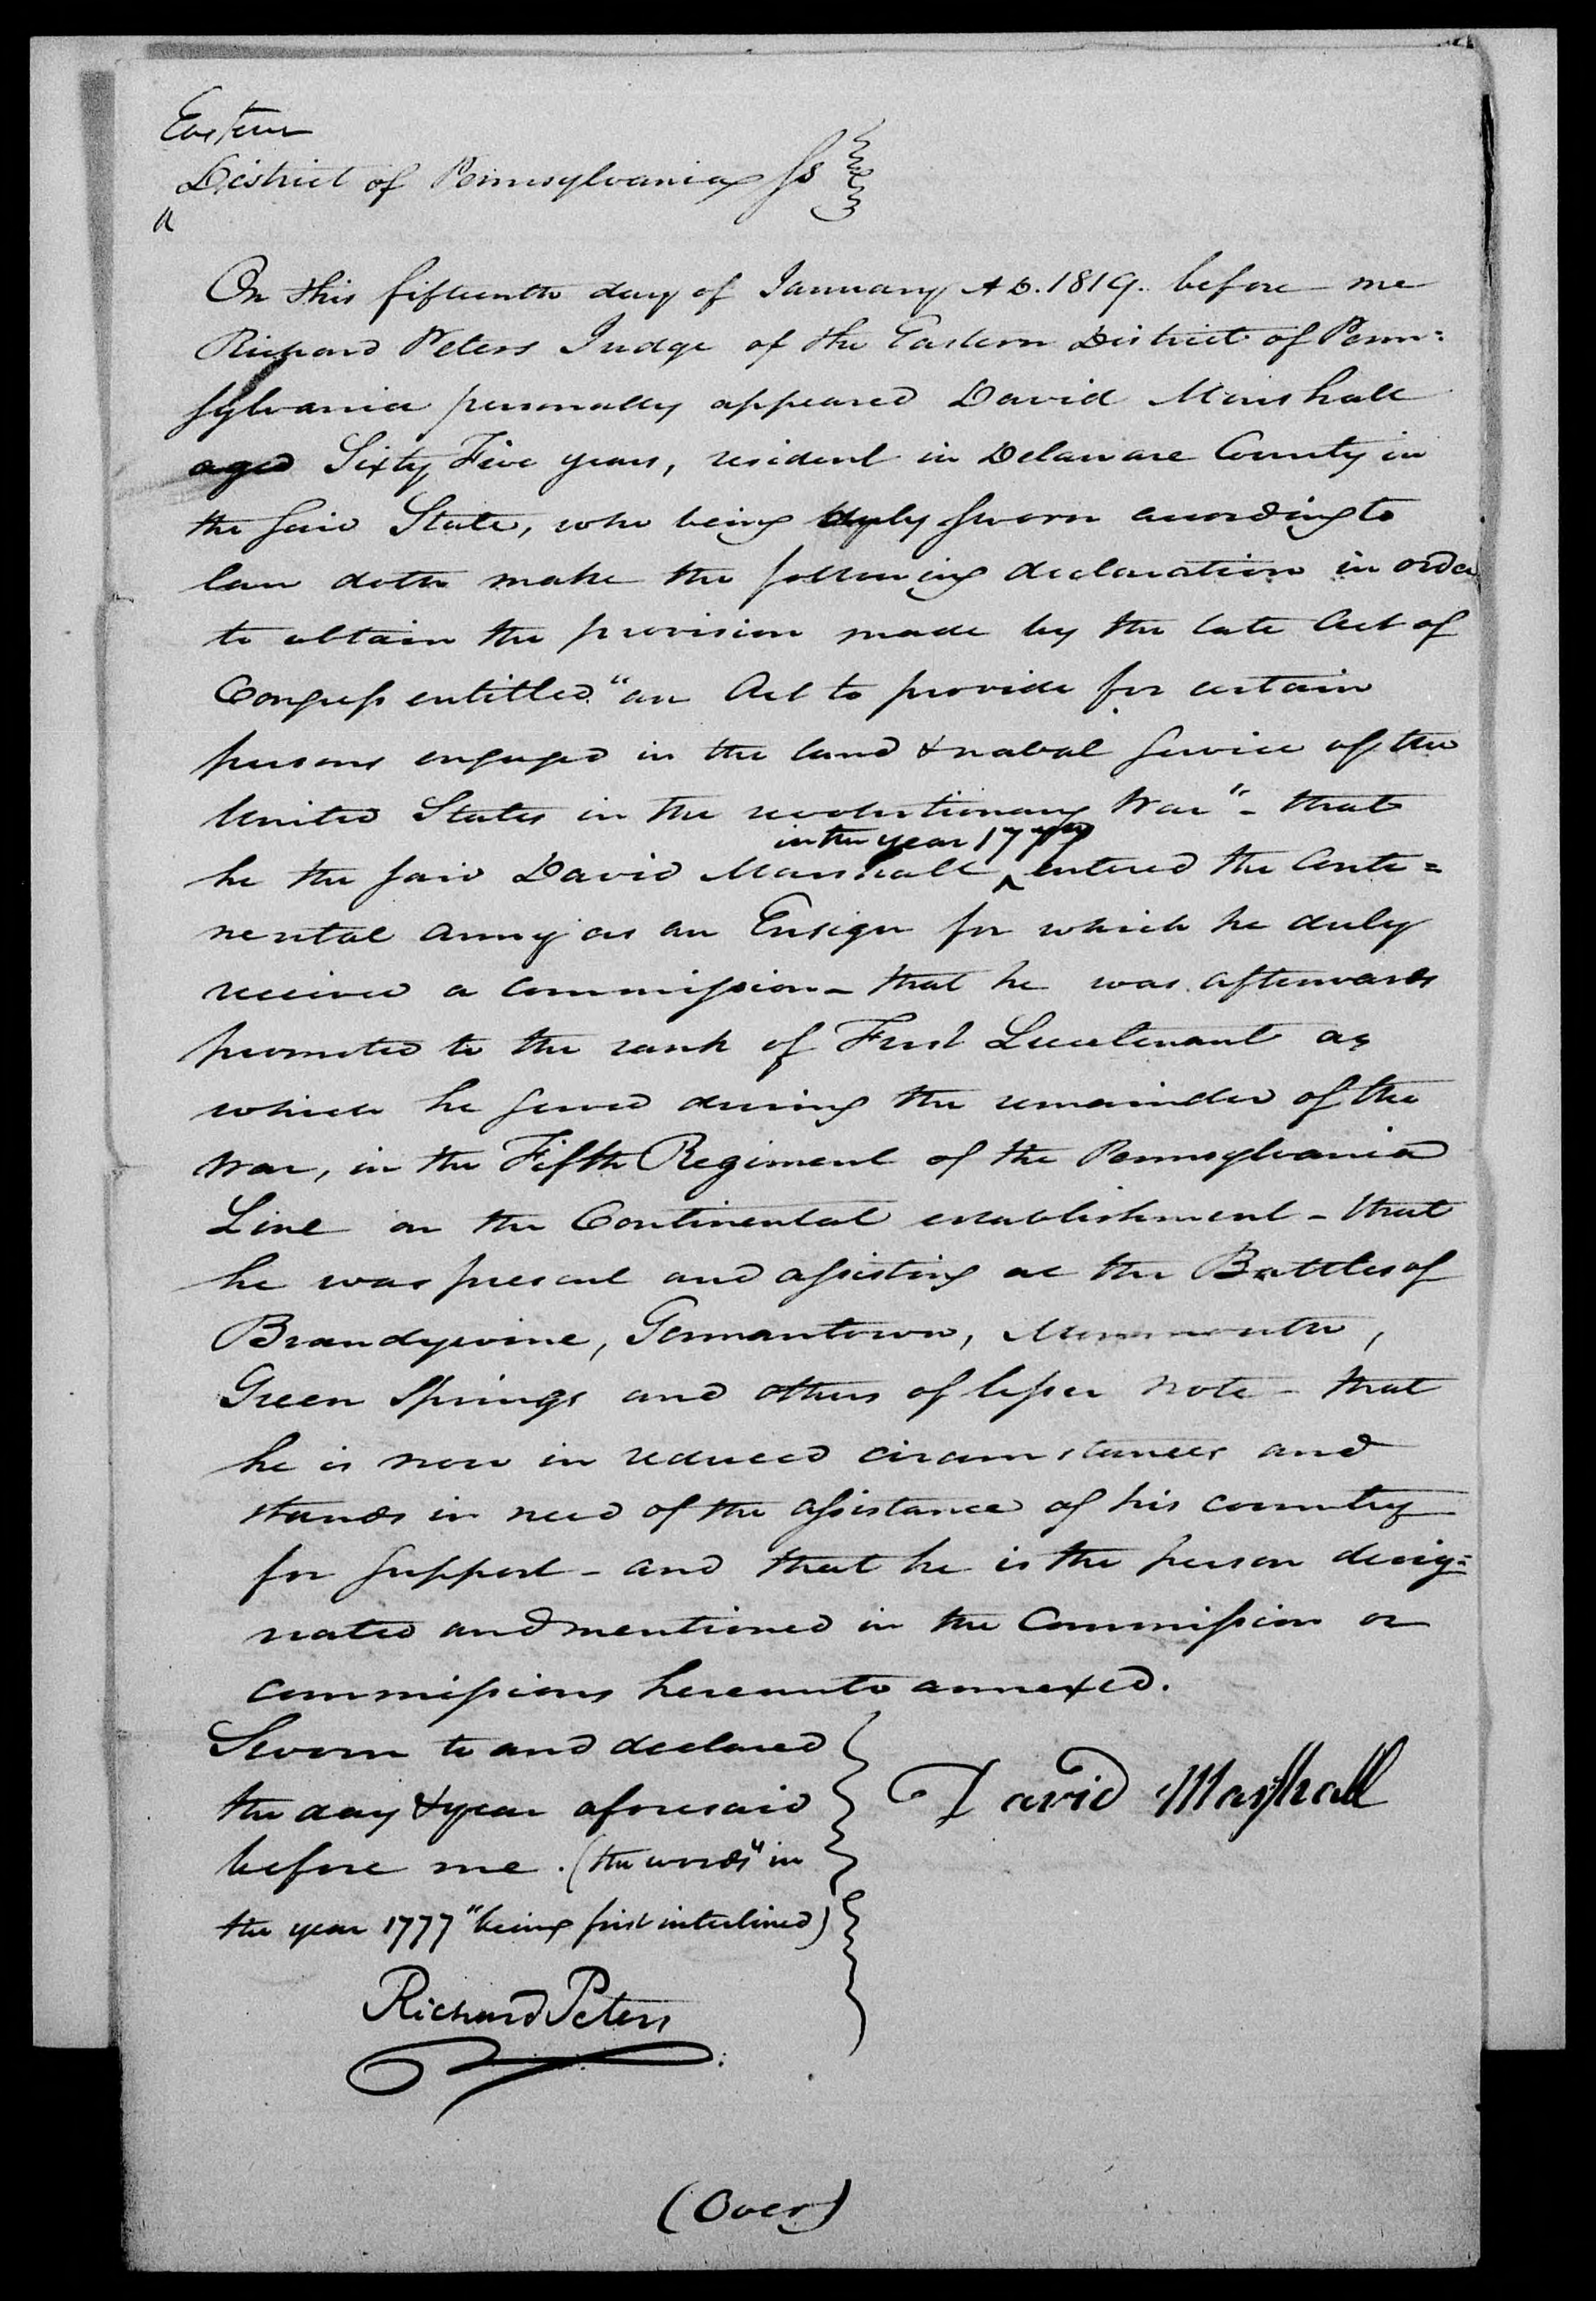Eastern
District of Pennsylvania ?

On this fifteenth day of January AD. 1819. before me
Richard Peters Judge of the Eastern District of Penn:
sylvania personally appeared David Marshall
aged Sixty Five years, resident in Delaware County in
the Said State, who being duly sworn according to 
law doth make the following declaration in order
to obtain the provision made by the late Act of 
Congress entitled "An Act to provide for certain 
persons engaged in the land and naval service of the 
United States in the revolutionary War". That 
he the said David Marshall in the year 1777 entered the Conti=
nental Army as an Ensign for which he duly 
received a commission - that he was afterwards
promoted to the rank of First Lieutenant as 
which he served during the remainder of the 
war, in the Fifth Regiment of the Pennsylvani
Line in the Continental establishment - that
he was present and assisting at the Battles of 
Brandywine, Germantown, Monmouth, 
Green Springs, and others of lesser note - that 
he is now in ? circumstances and 
stands in need of the assistance of his country
for support - and that he is the person desig=
nated and mentioned in the commission or 
commission hereunto annexed. 

Sworn to and declared
the day and years aforesaid
before me. (the words in
the year 1777 "being first intestined)
Richard Peters

David Marshall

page: 5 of 86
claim: widow's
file: W. 3571, for David Marshall, Pennsylvania